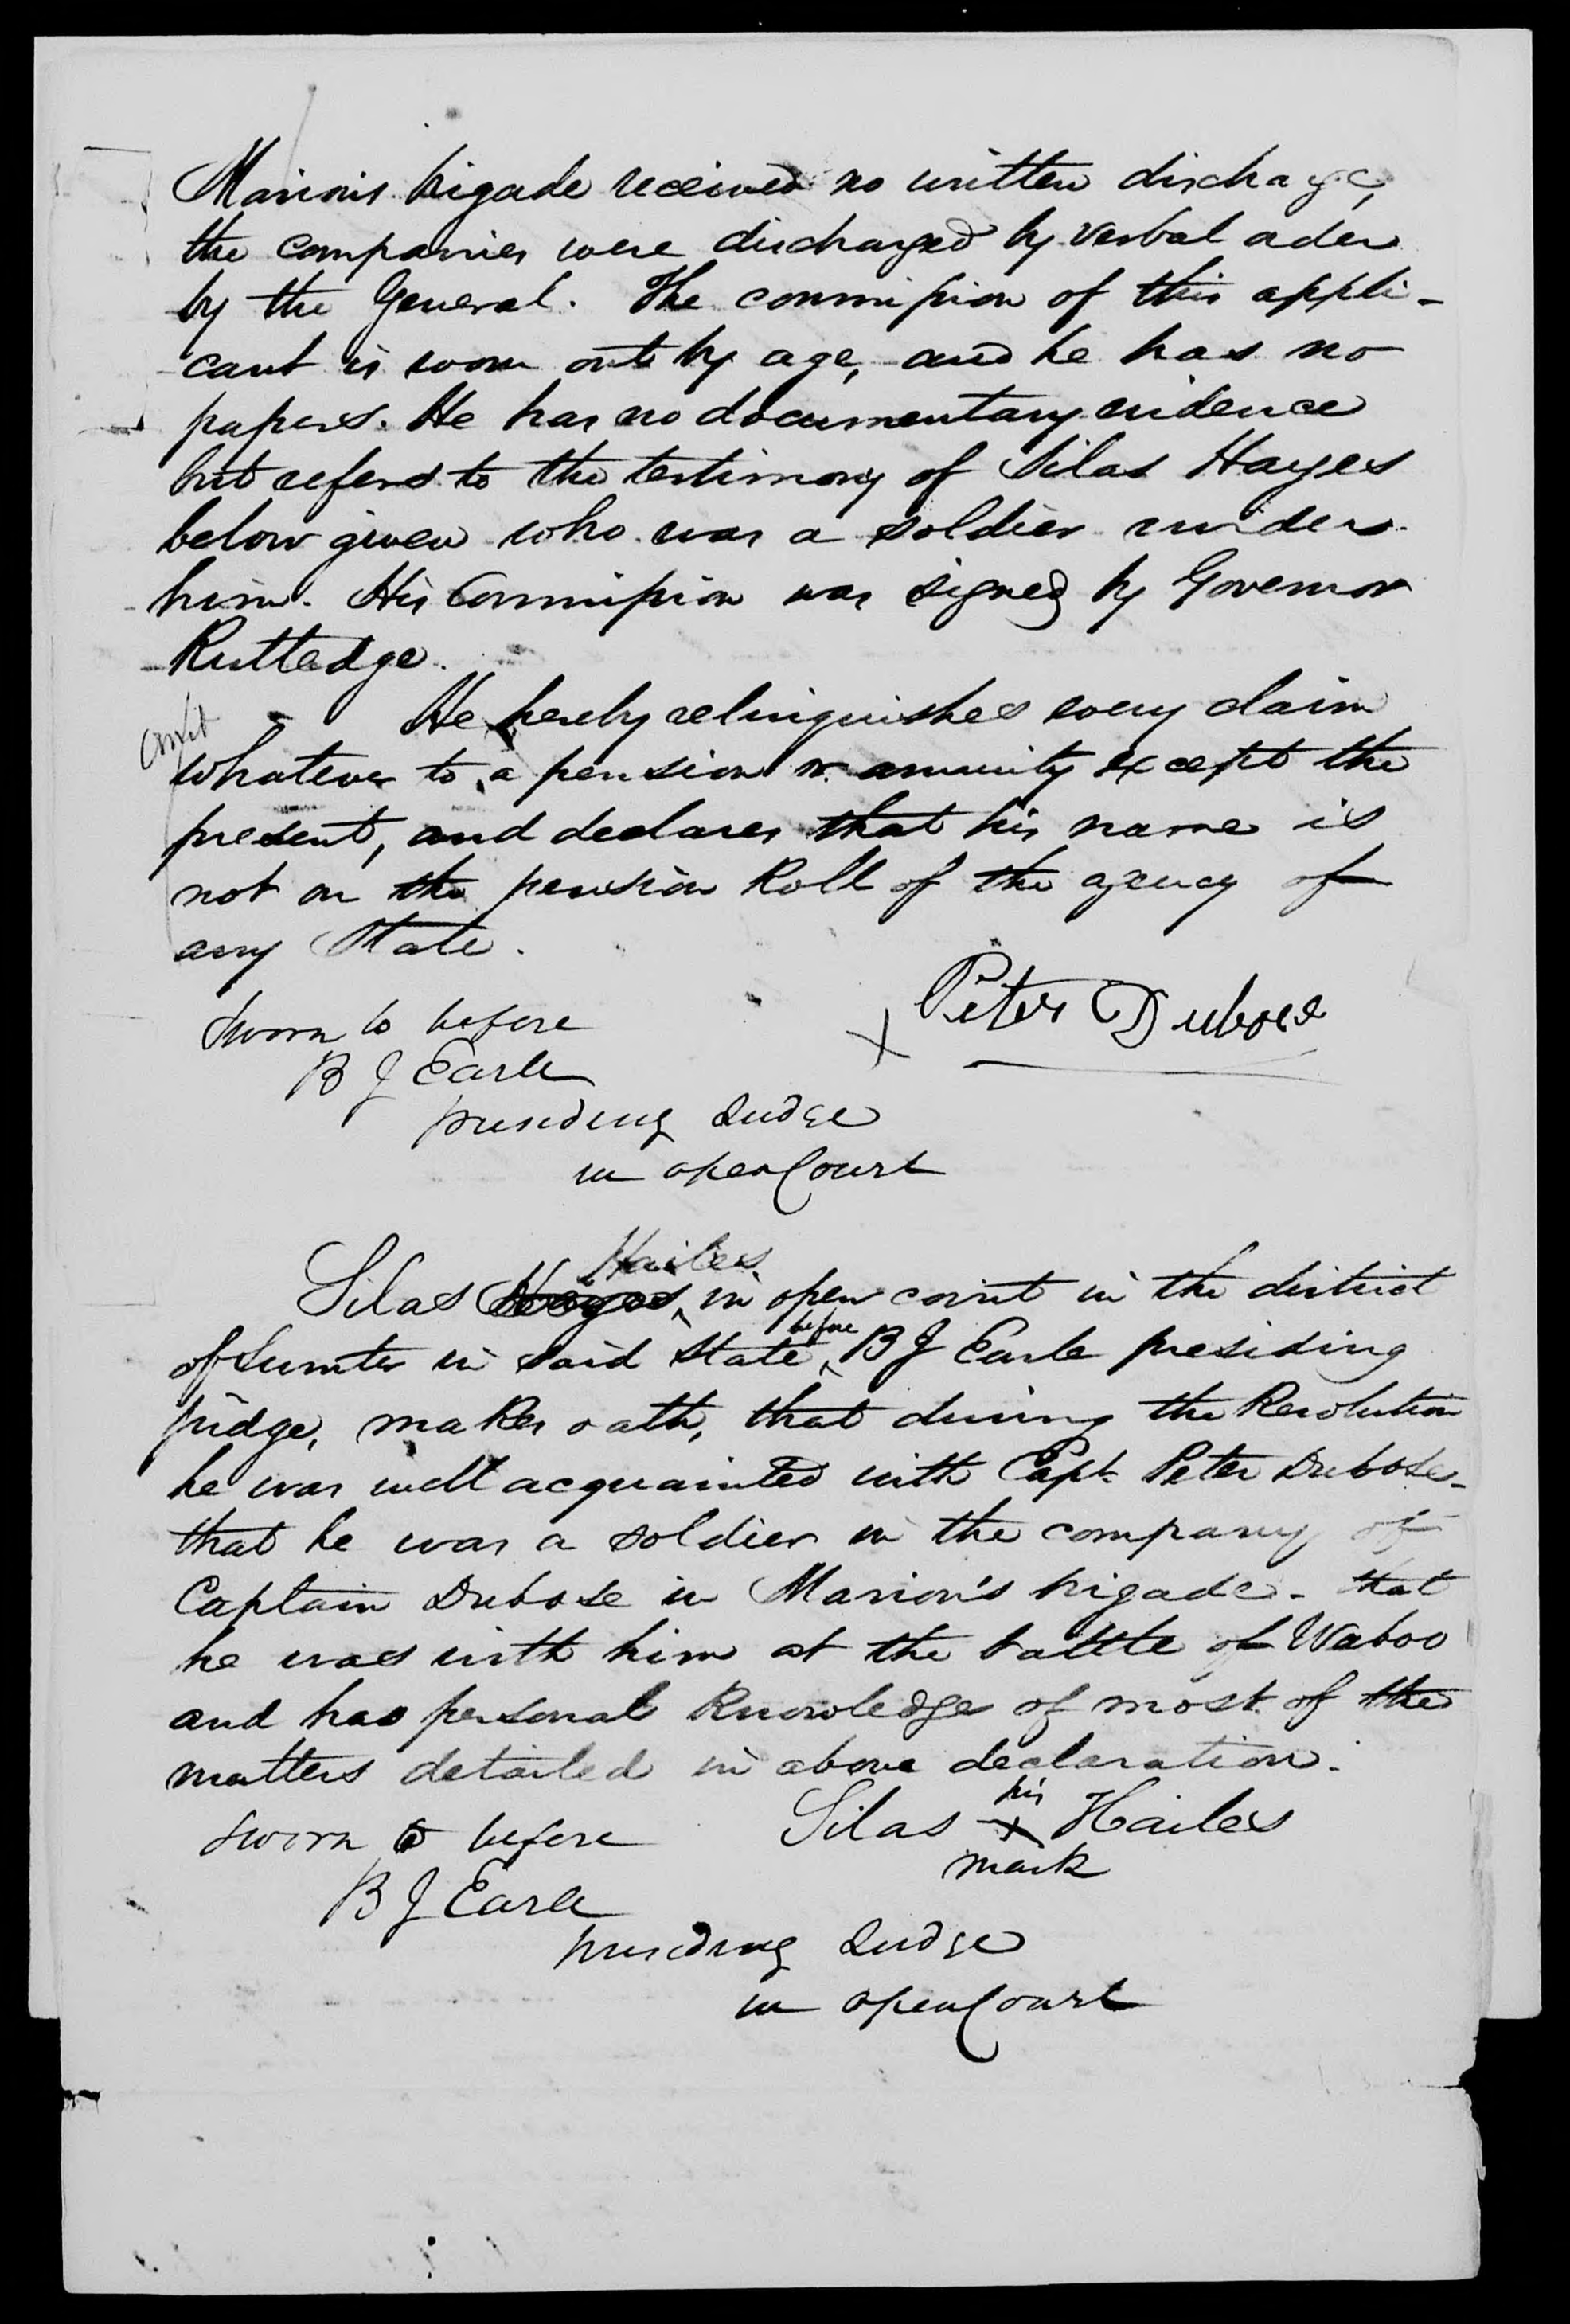[handwritten]

Marions Brigade received no written discharge
the companies were discharged by verbal order by the General. The commission of this applicant is worn out by age, and he has no
papers. He has no documentary evidence
but refers to the testimony of Silas Hayes
below given who was a soldier under
him. His commission was signed by Governor
Rutledge.
He hereby relinquishes every claim
whatever to a pension or annuity except the
present, and declares that his name is
not on the pension Roll of the agency of
any State.
[signed] Peter Dubose
Sworn to before
B J Earle
presiding Judge
in open Court

Silas Hailes in open court in the district
of Sumter in said State before B J Earle presiding judge, makes oath, that during the Revolution he was well acquainted with Capt Peter Dubose
that he was a soldier in the company of
Captain Dubose in Marion's brigade that
he was with him at the battle of Waboo
and has personal knowledge of most of the
matters detailed in above declaration
[signed]
his
Silas X Hailes
Mark
Sworn to before
B J Earle
presiding Judge
in open Court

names: Silas Hailes, B J Earle, B J Earle, Silas Hayes, Silas Hailes, Dubose, B J Earle, Peter Dubose, Peter Dubose, Rutledge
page: 9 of 43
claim: survivor's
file: S. 21163, Peter Dubose, S.C.